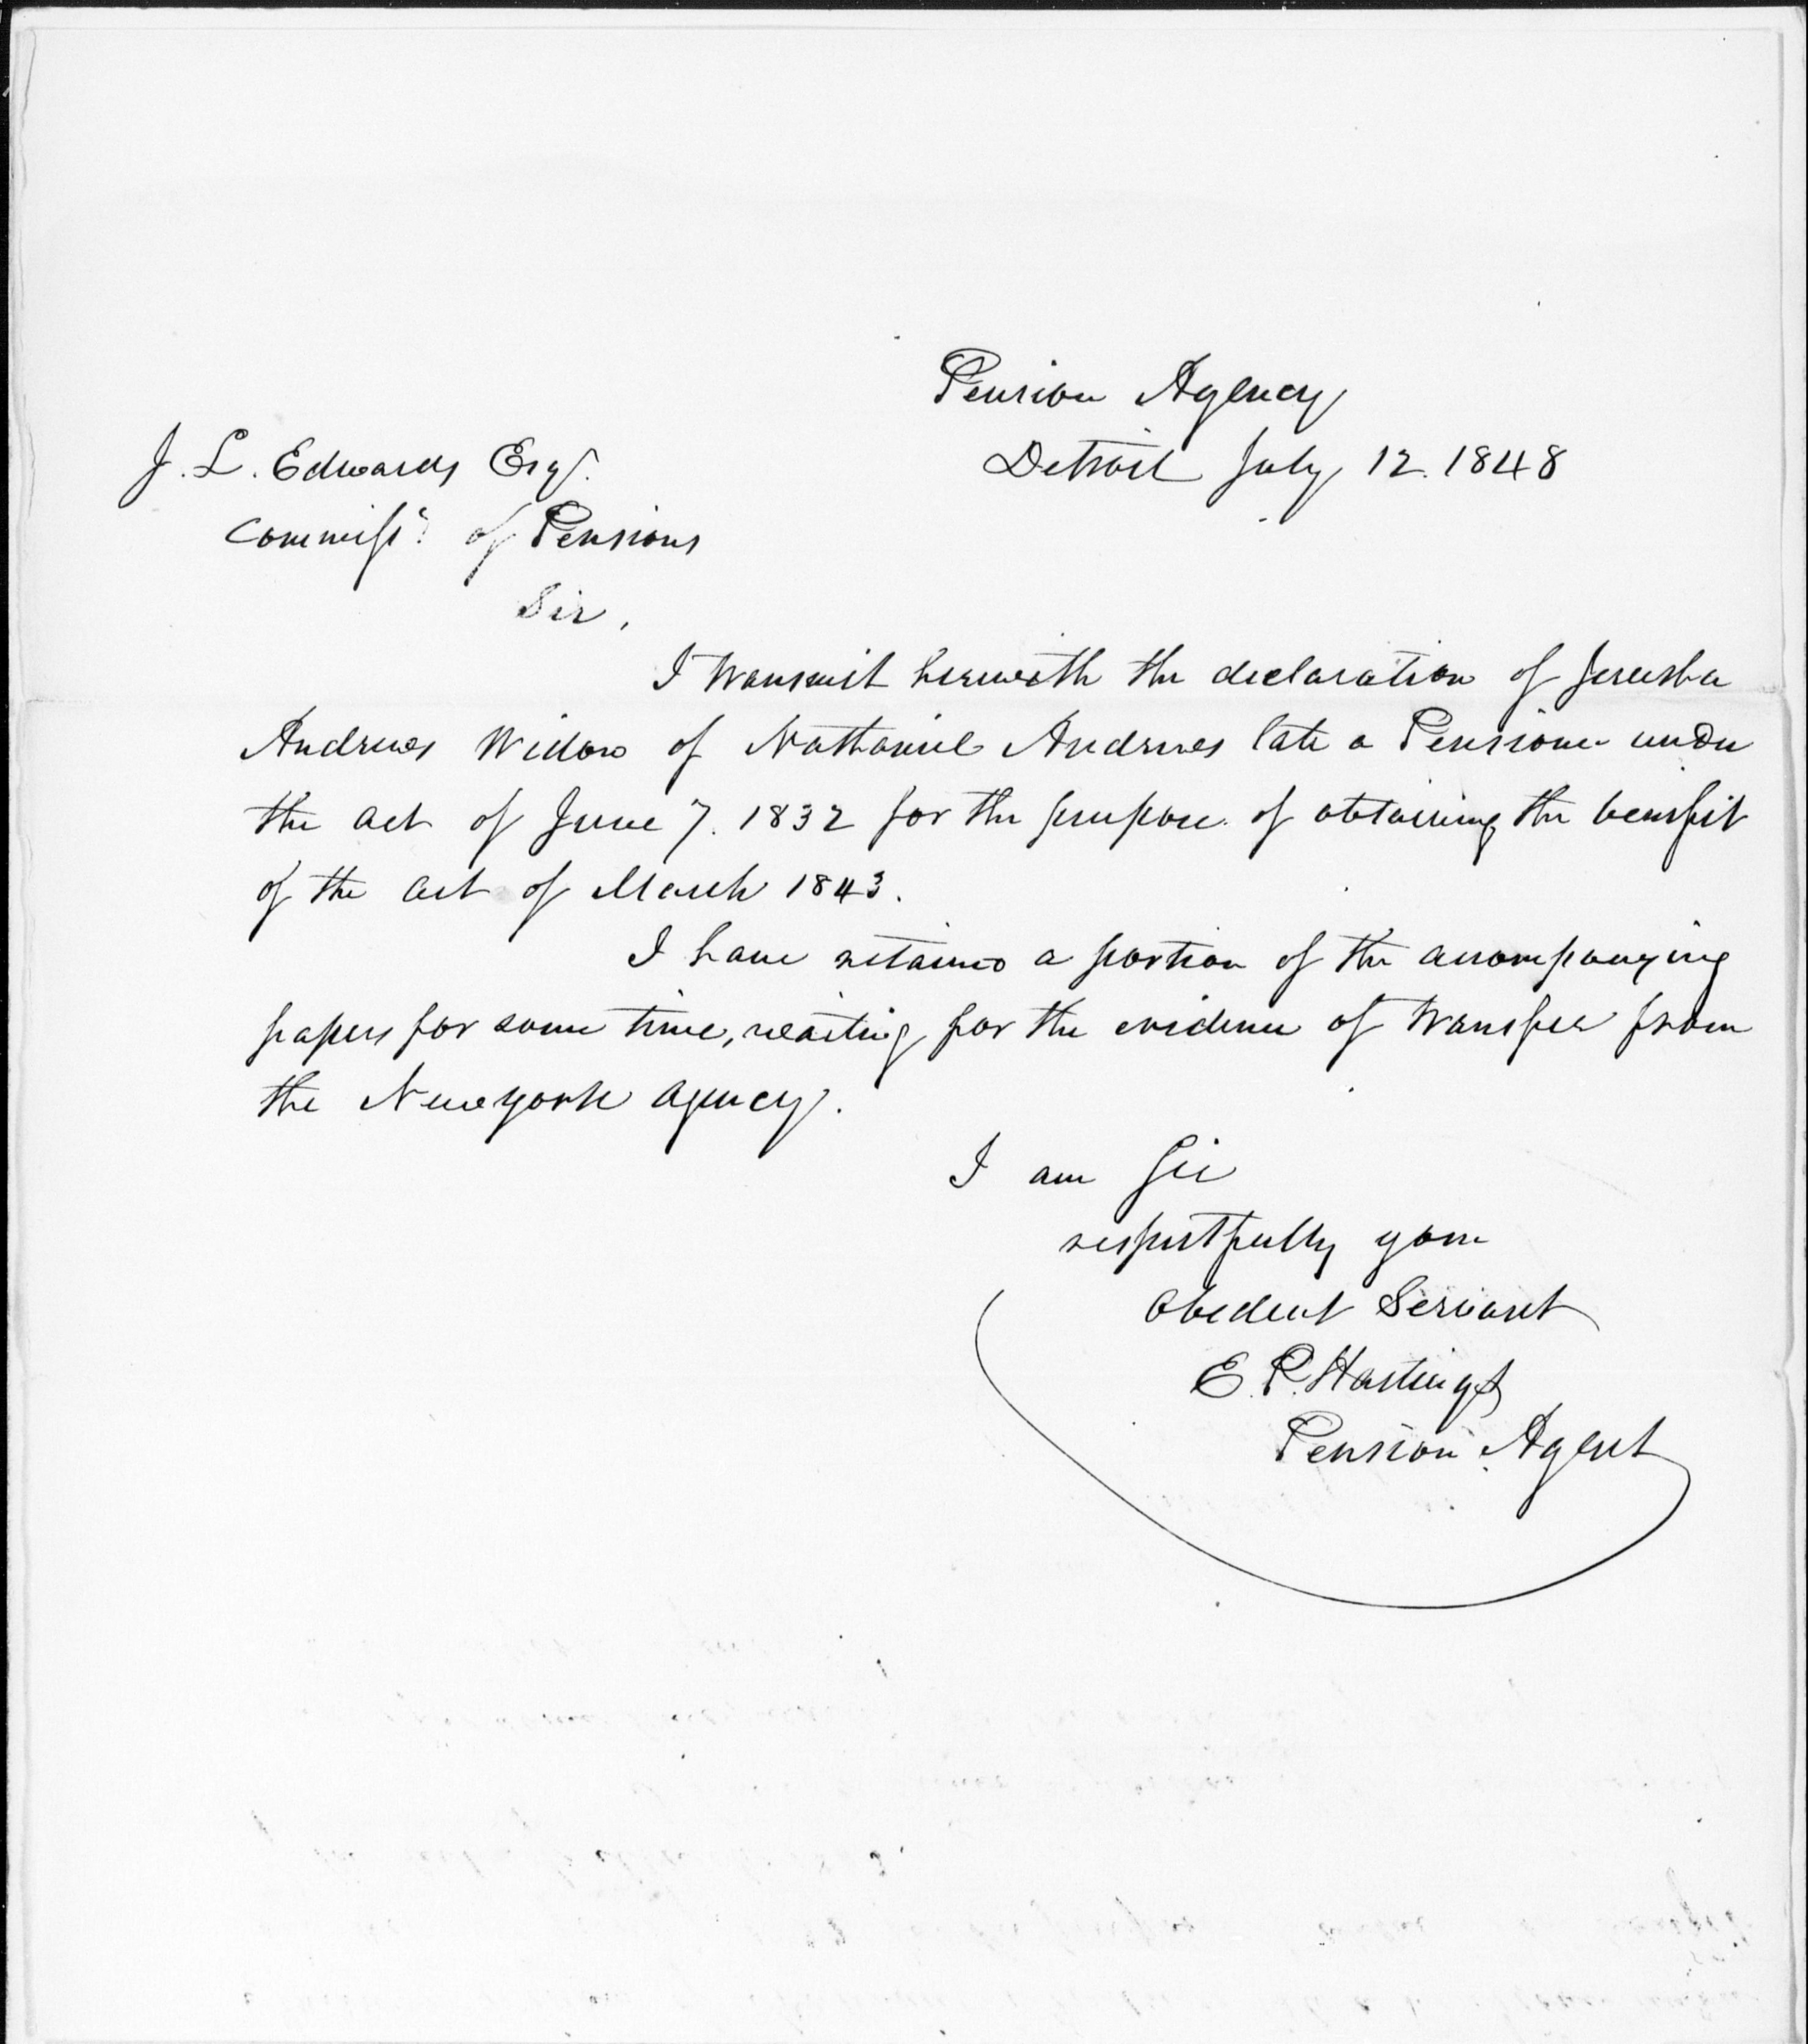Pension Agency
Detroit July 12. 1848
J. L. Edwards Esq.
Commiss of Pensions
Sir

I [illegible] herewith the declaration of Jerusha
Andrews Widow of Nathaniel Andrews late a Pensioner under 
the act of June 7. 1832 for the purpose of obtaining the benefit
of the act of March 1843
I have retained a portion of the accompanying
papers for some time, waiting for the evidence of transfer from
the New York agency
I am sir
respectfully your
Obedient Servant
E.P. Hastings
Pension Agent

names: Nathaniel Andrews, Jerusha Andrews, J L Edwards, E P Hartings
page: 50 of 78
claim: widow's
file: W. 4117, Nathaniel Bradley, Conn.